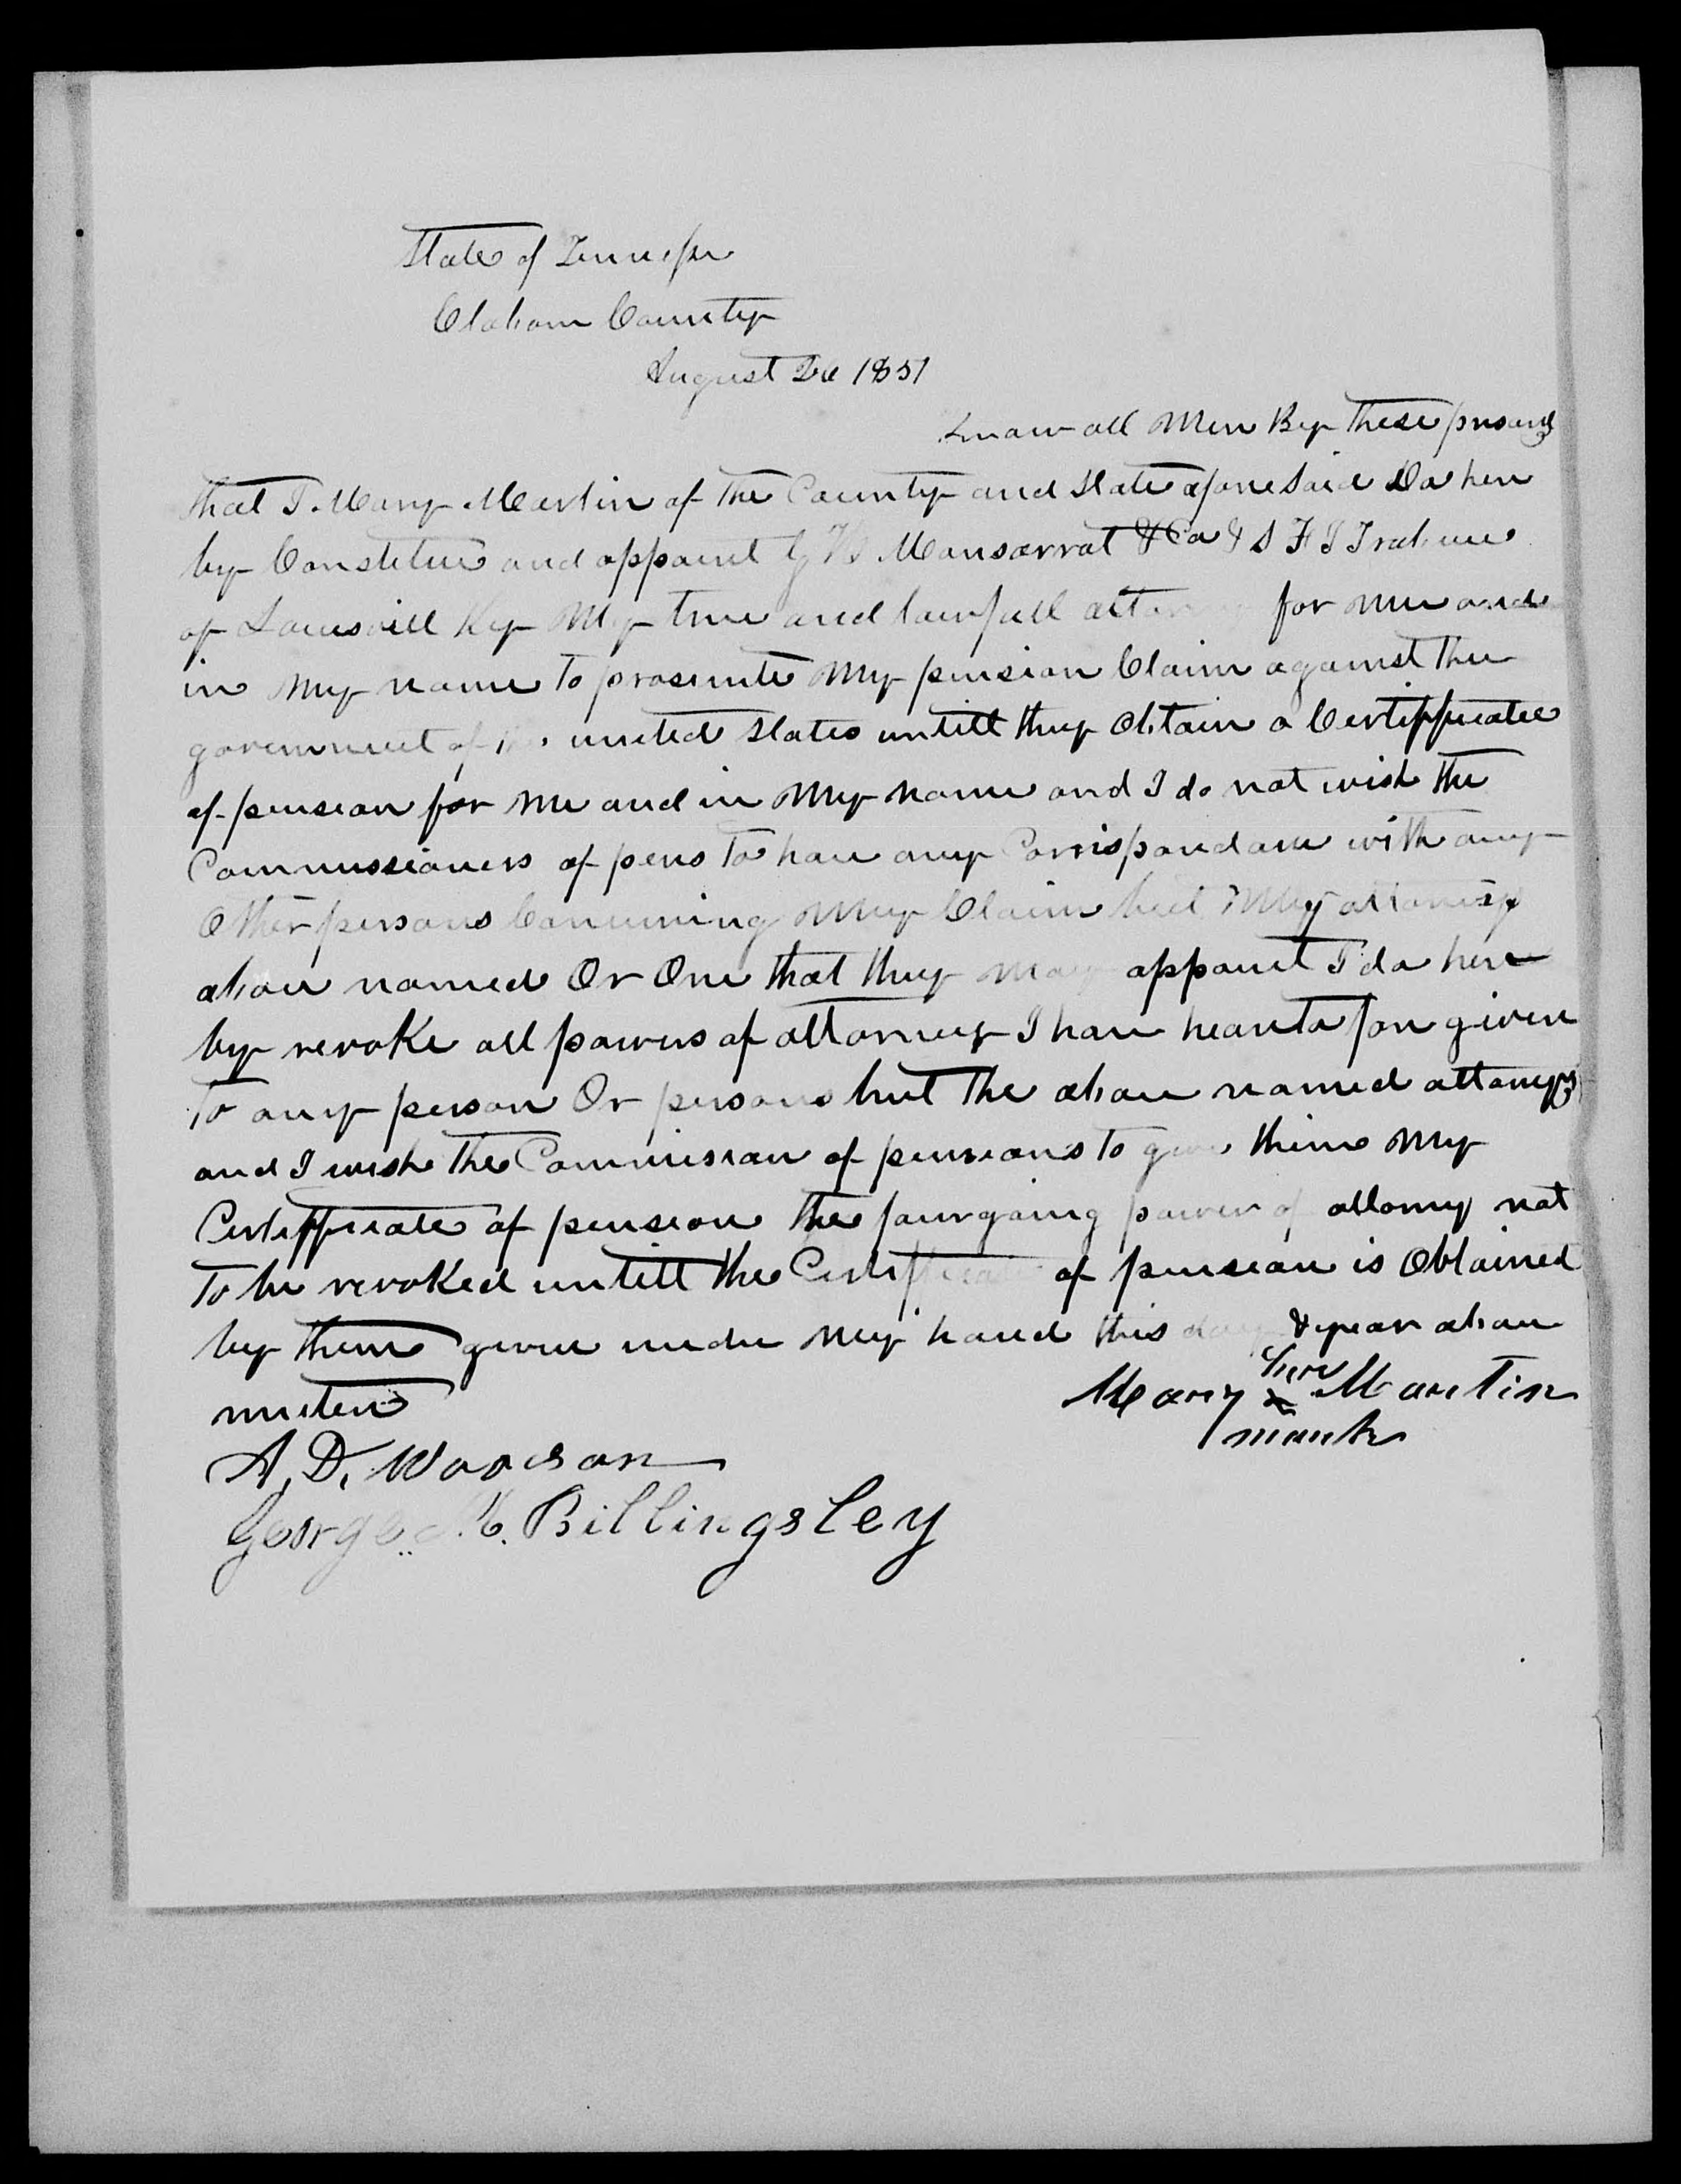State of Tennessee
Claborn [Claiborne] County
August 26 1851
Know all Men By these presents
that J. Mary Martin of the County and State aforesaid Do here
by Constitute and appoint [illegible] W.  Monsarrat & Co & S F T Trabue
of Louisvill [Louisville] Ky My true and lawfull [lawful] attorney for me and
in my name to prosecute My pension claim against the
government of the united states untill [until] they obtain a Certifficatee [Certificate]
of pension for me and in my name and I do not wish the
Commissioners of pens to have any correspondance [correspondence] with any-
other persons Concerning my claims but my attorney
above named Or One that they may appoint I do here
by revoke all powers of attorney I have heareto [hereto] for given
to any person Or persons but the above named attorneys
and I wish the Commissioner of pensions to give them my
Certificate of pension the foregoing power of attorney not
to be revoked untill [until] the Certificate of pension is obtained
by them given under my hand this day & year above
mentioned
Mary her x mark Martin
A.D. Watson
George H. Billingsley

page: 37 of 120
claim: widow's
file: W. 1044, for Salathiel Martin, North Carolina